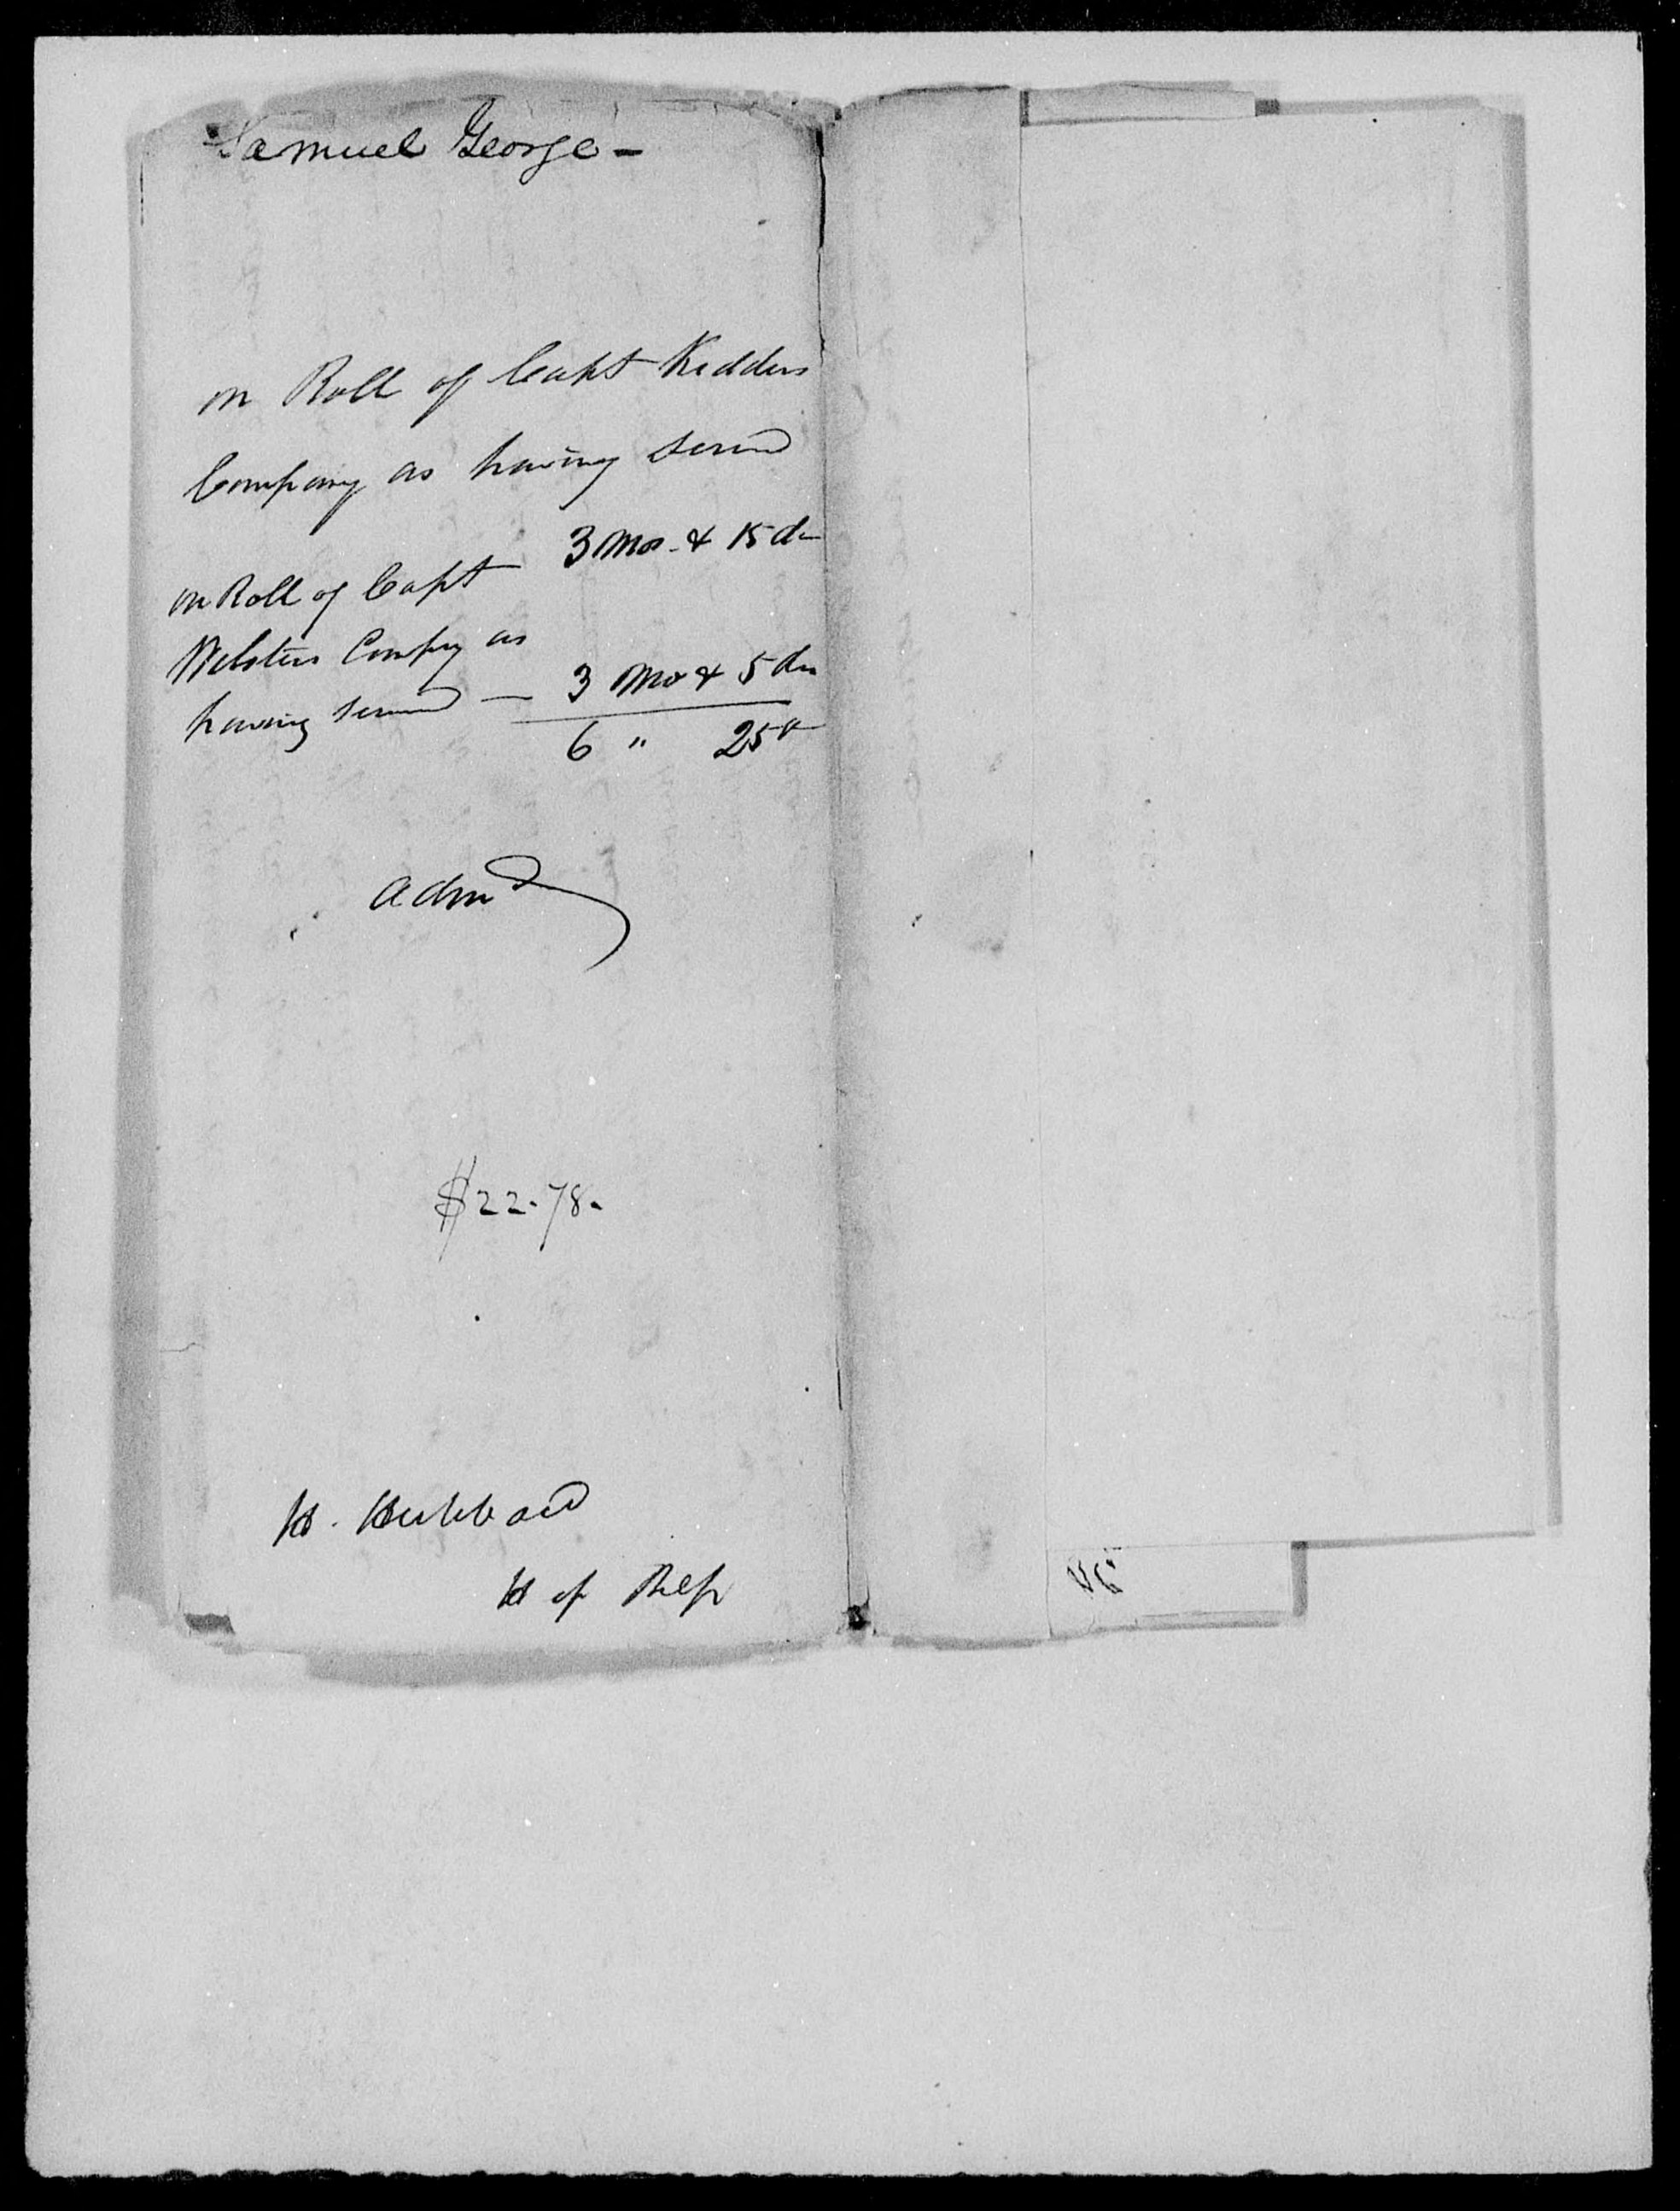Samuel George -

In Roll of Capt Kidders Company as having serving in Roll of Capt 3 mos. & 15 days  [illegible] Company as having served 
3 mos and 5 days
----
6 " and 25 days

A. [illegible]

$22.78.

H. Hubbard
[illegible]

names: H Hubbard, Samuel George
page: 3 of 19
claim: survivor's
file: S. 15140, Samuel George, N.H.